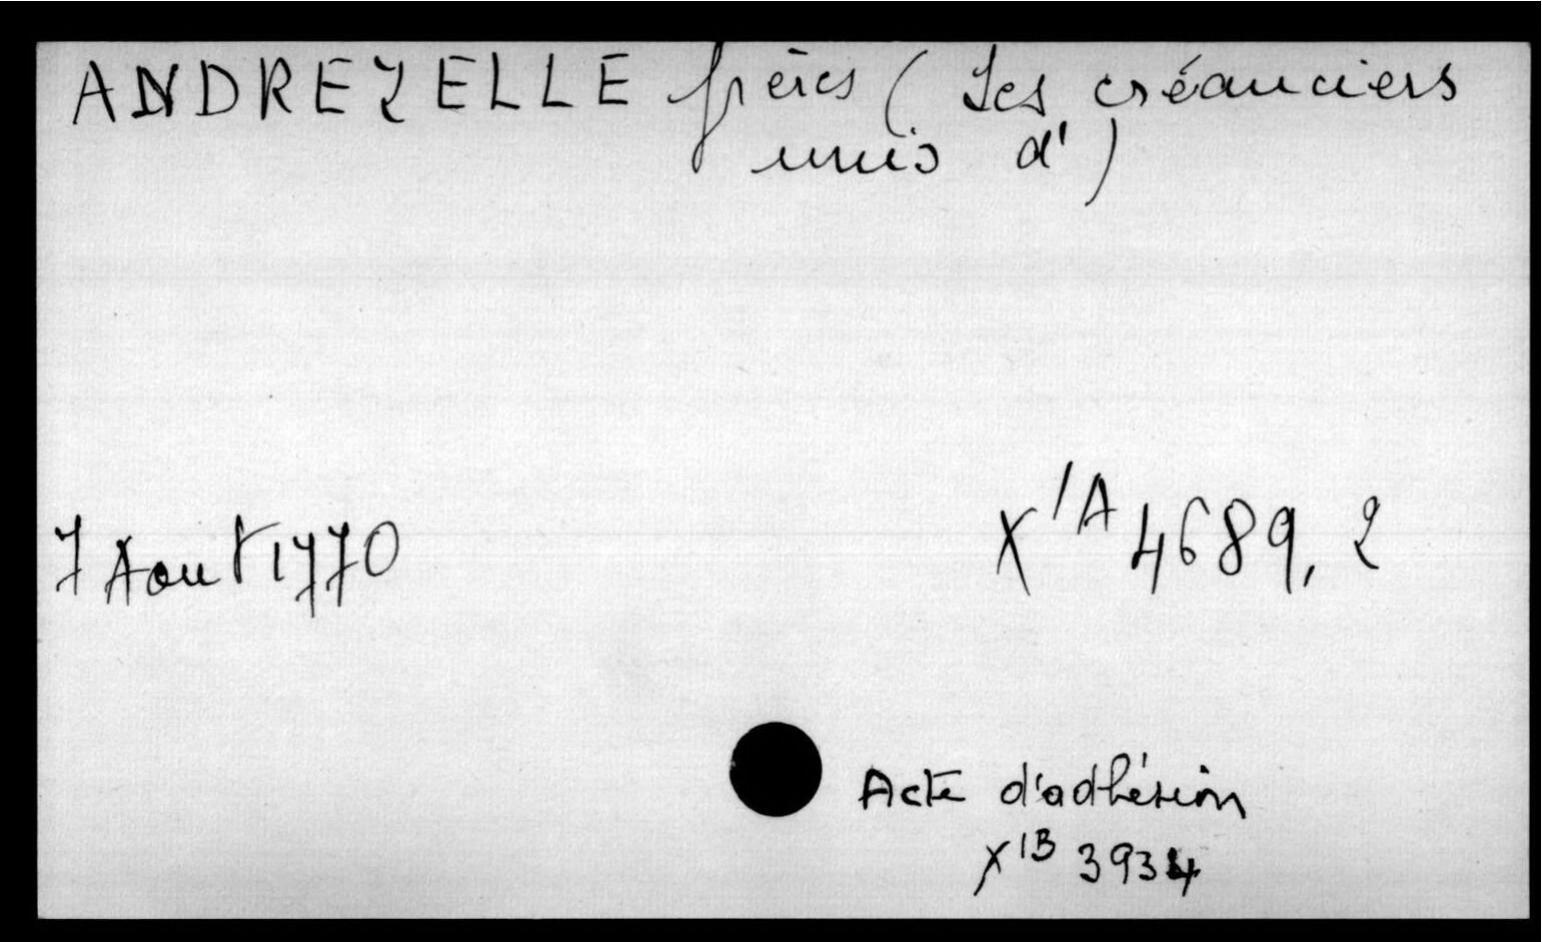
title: ANDREZELLE frères (Les créanciers unis d')
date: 7 août 1770
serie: X1A
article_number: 4689
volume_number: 2
